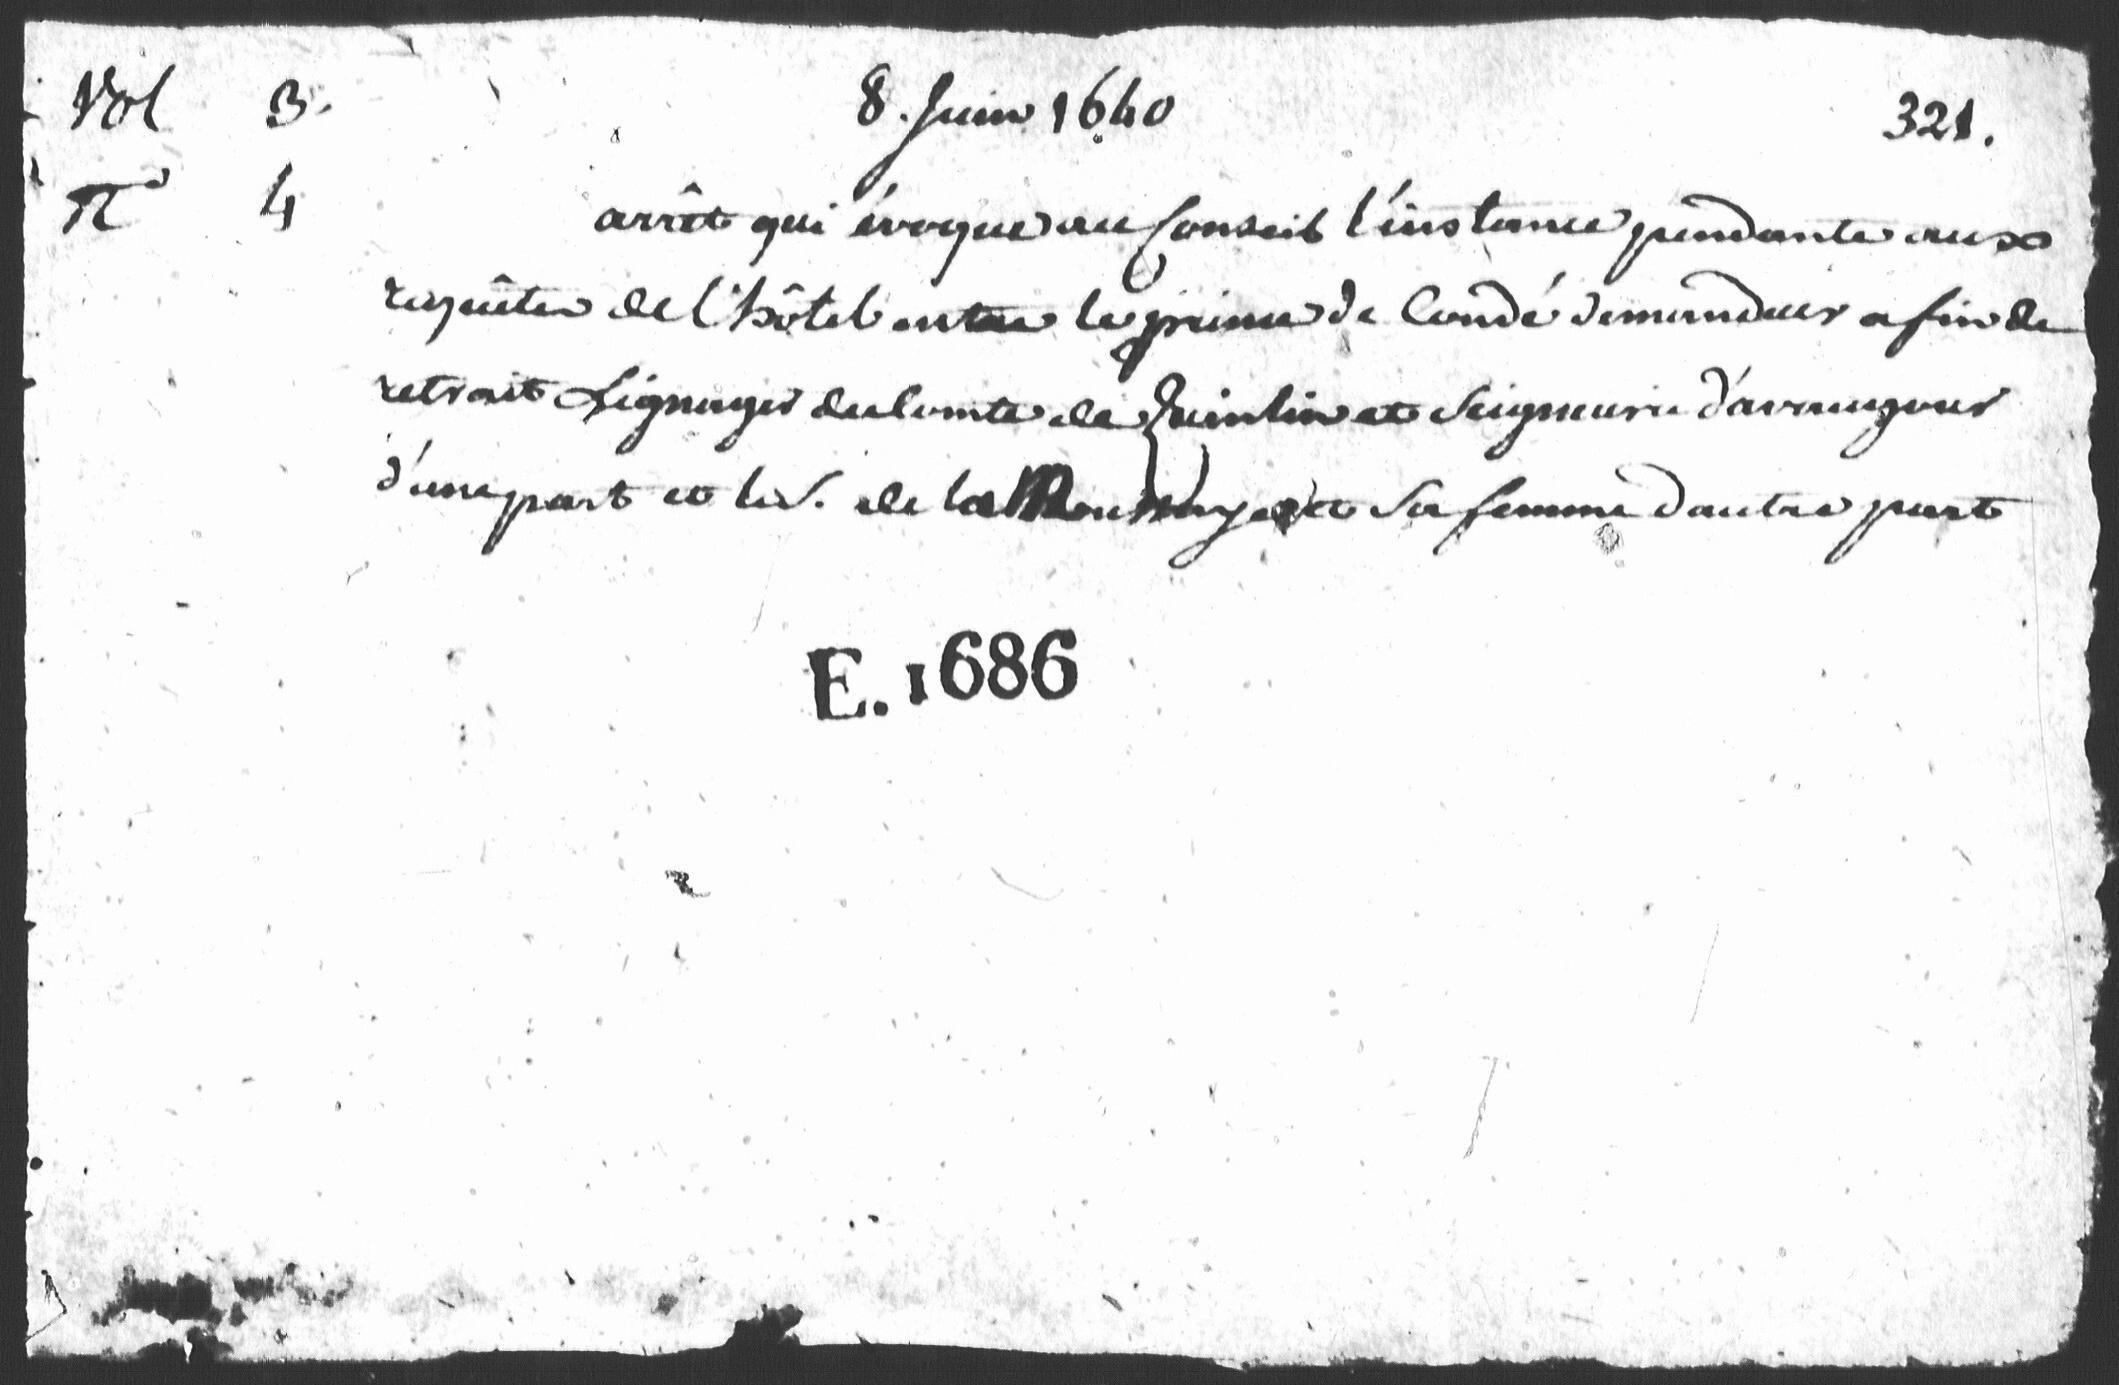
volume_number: n°4
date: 8 juin 1640
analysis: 321.
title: arrêt qui évoque au Conseil l'instance pendante aux requêtes de l'hôtel entre le prince de Condé demandeur afin de retrait lignager du comte de Quintin et seigneur d'Avaugour d'une part et le S. de la Moussaye et sa femme d'autre part
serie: E
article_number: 1686
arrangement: vol 3
